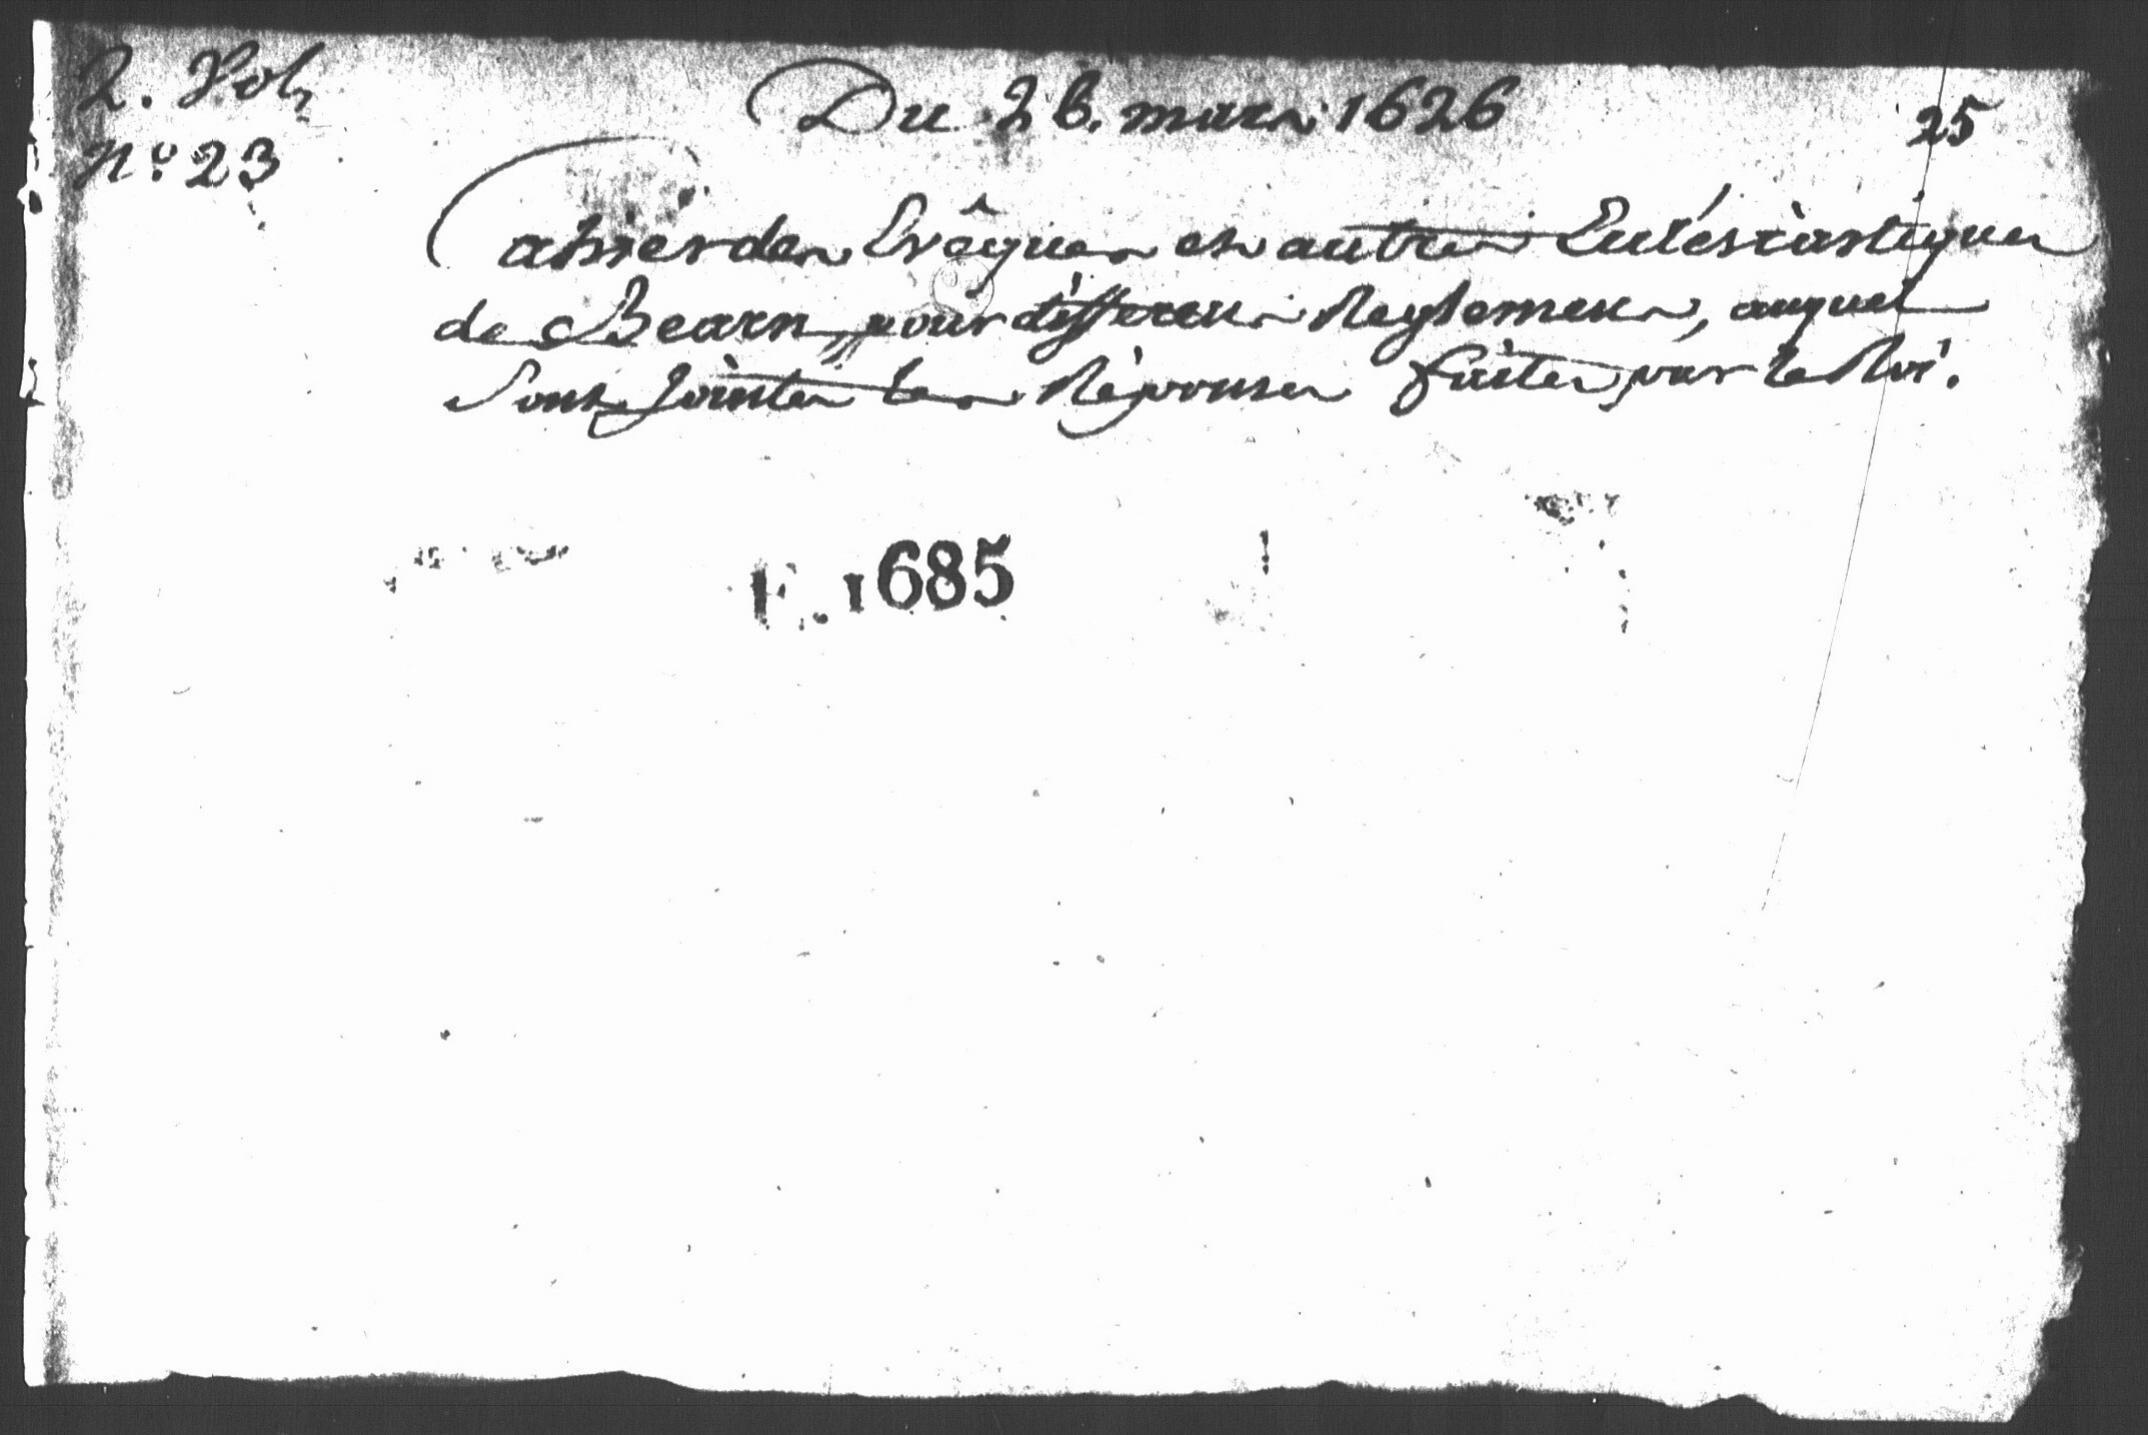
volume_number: n°23
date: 26 mars 1626
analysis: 25
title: Cahier des Evêques et autres ecclésiastiques de Bearn, pour differens reglemens, auquel sont jointes les réponses faites par le Roi.
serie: E
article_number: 1685
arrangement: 2. vol.
